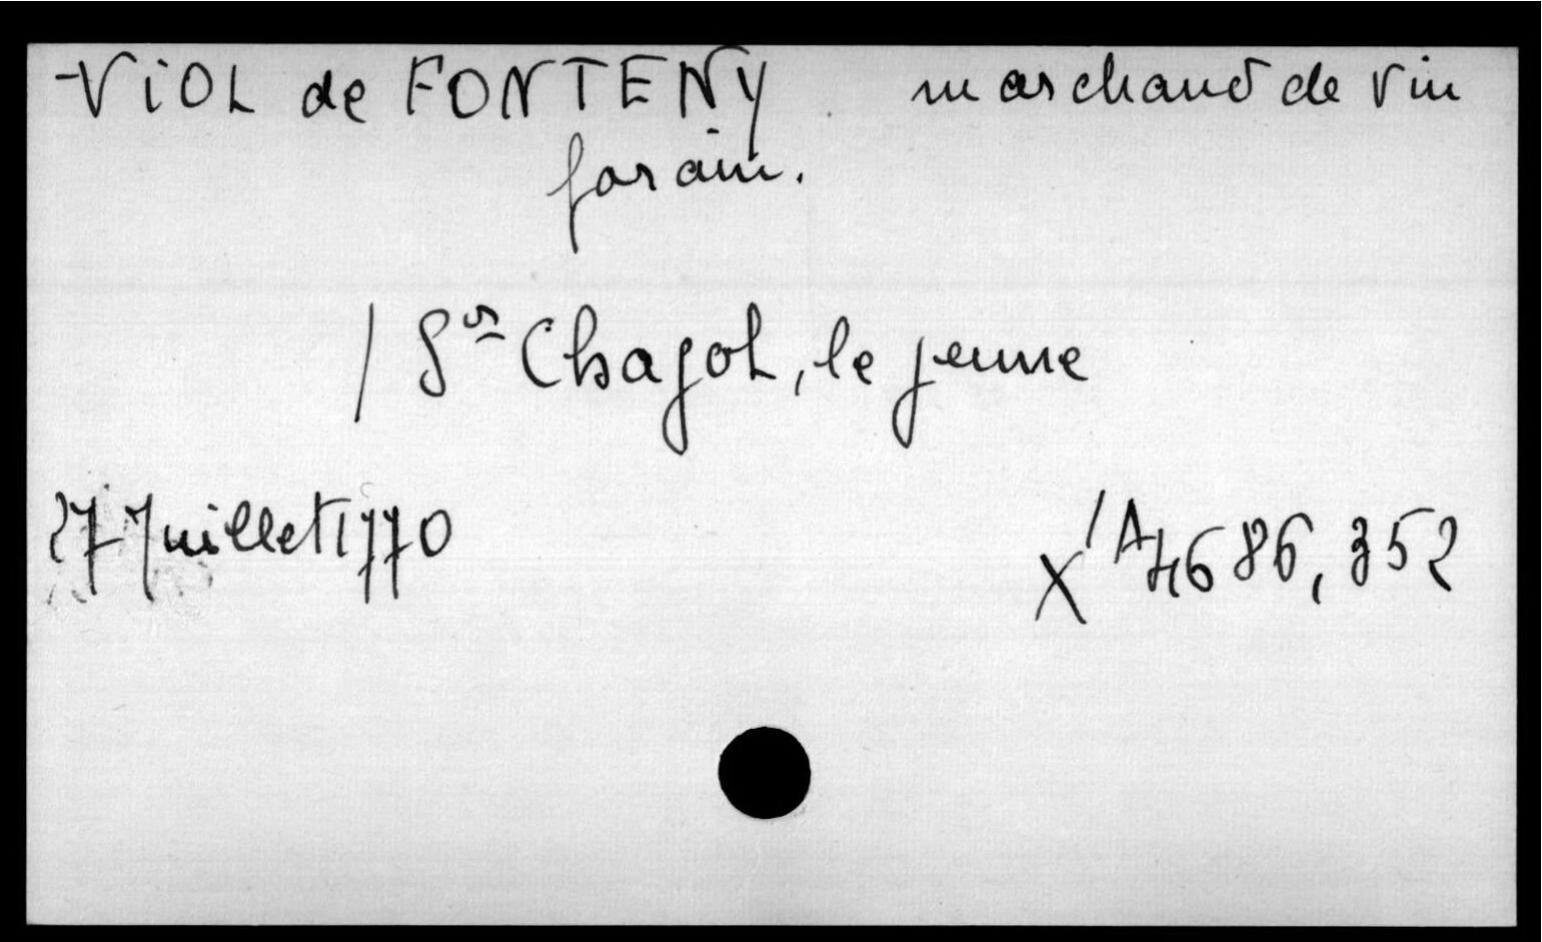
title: VIOL de FONTENY marchand de vin forain.
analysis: Contre Sieur Chagol, le jeune
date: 27 juillet 1770
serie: X1A
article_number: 4686
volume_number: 352
